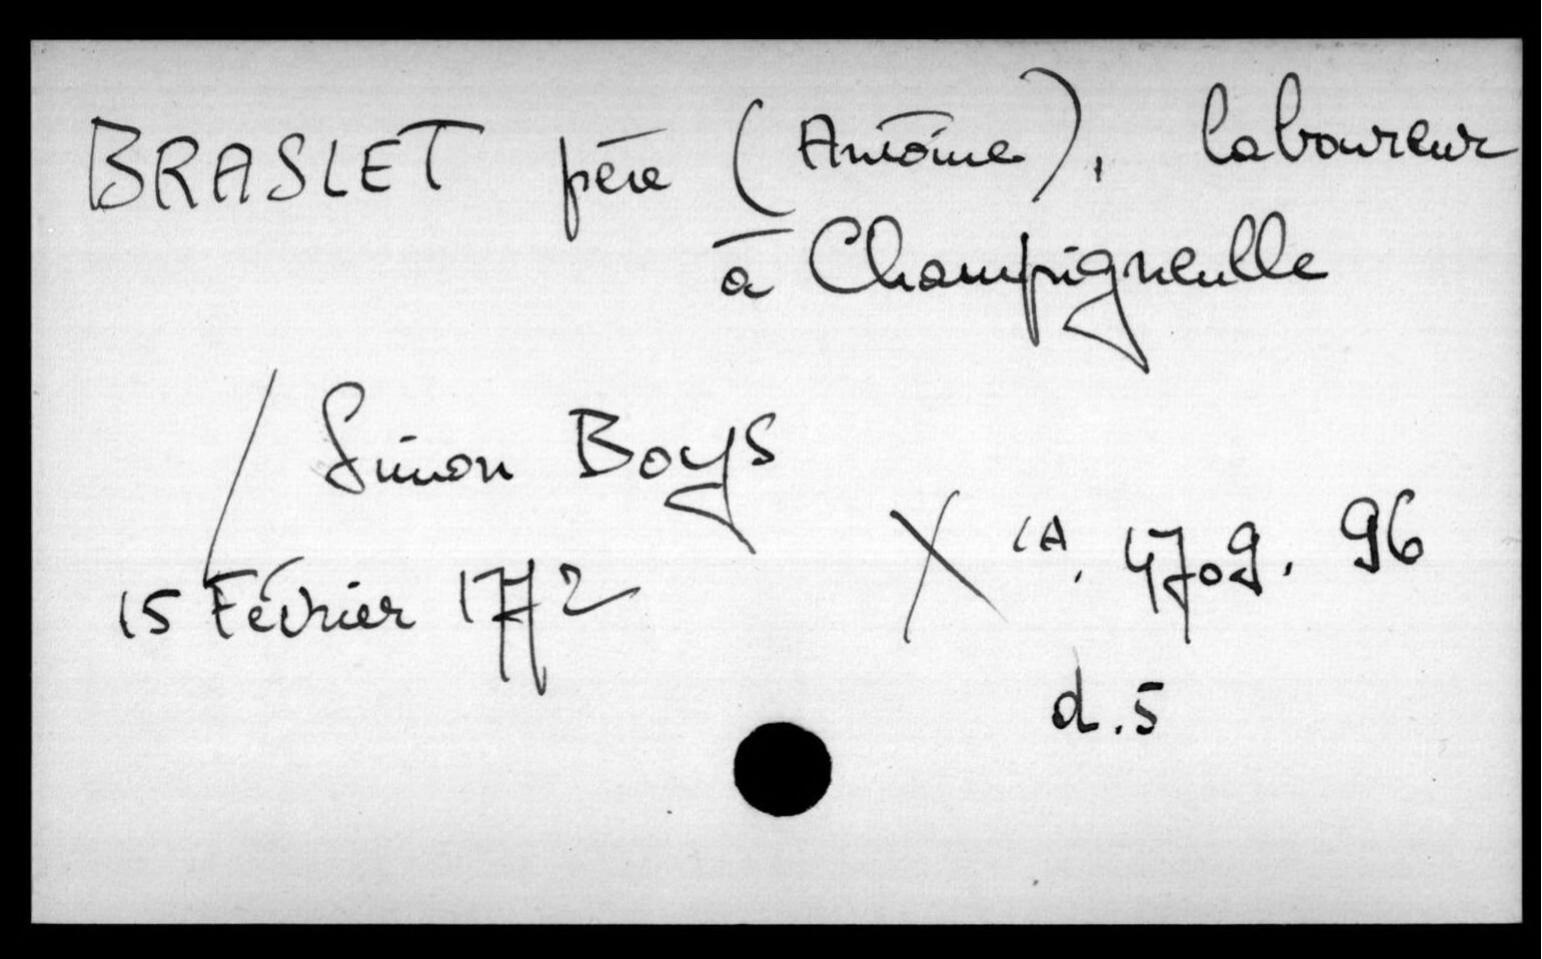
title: BRASLET père (Antoine), laboureur à Champigneulle
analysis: Contre Simon Boys
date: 15 février 1772
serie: X1A
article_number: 4709
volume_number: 96
